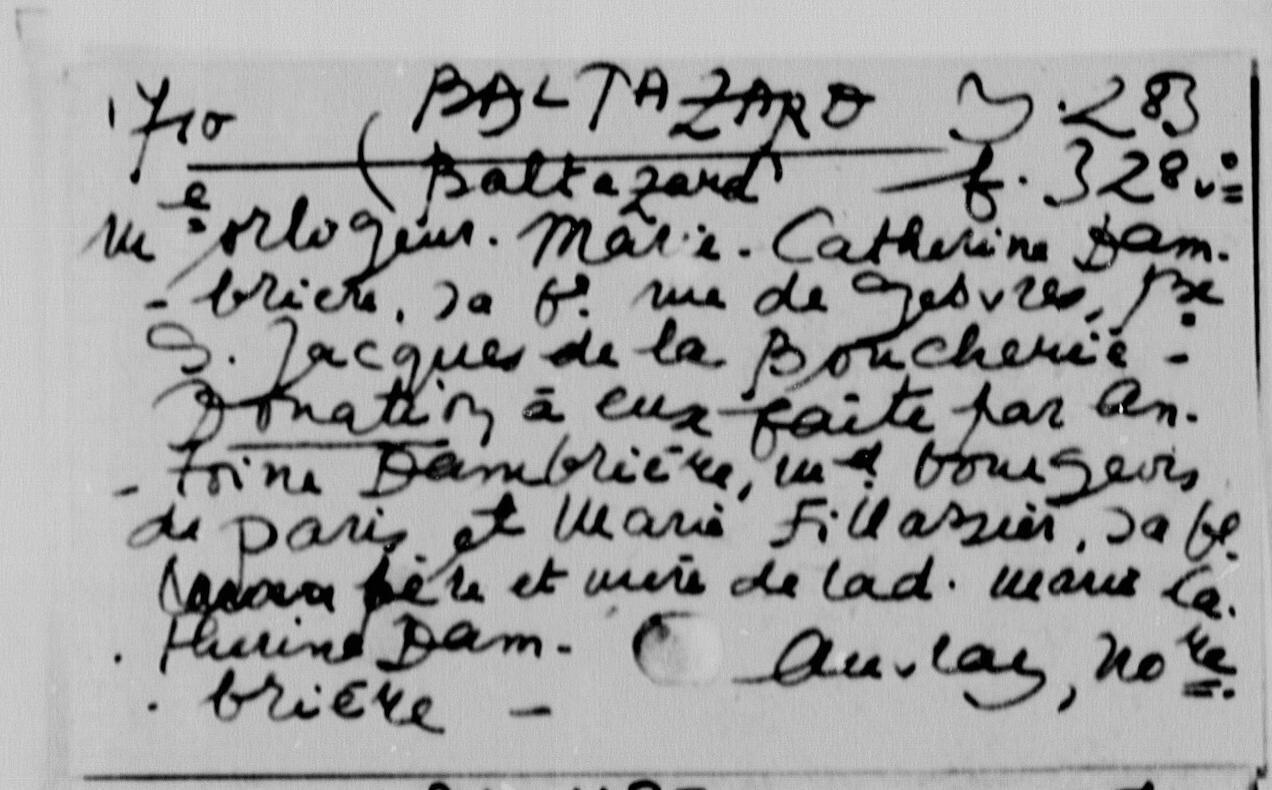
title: BALTAZARD (Baltazard)
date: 1710
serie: Y
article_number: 283
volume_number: folio 328 verso
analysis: maître orlogeur Marie Catherine Dambrière, sa femme, rue de Gesvres, paroisse Saint-Jacques-de-la-Boucherie Donation à eux faite par Antoine Dambrière, marchand bourgeois de Paris et Marie Fillassier, sa femme, père et mère de ladite Marie Catherine DAMBRIERE. Auvray, notaire
